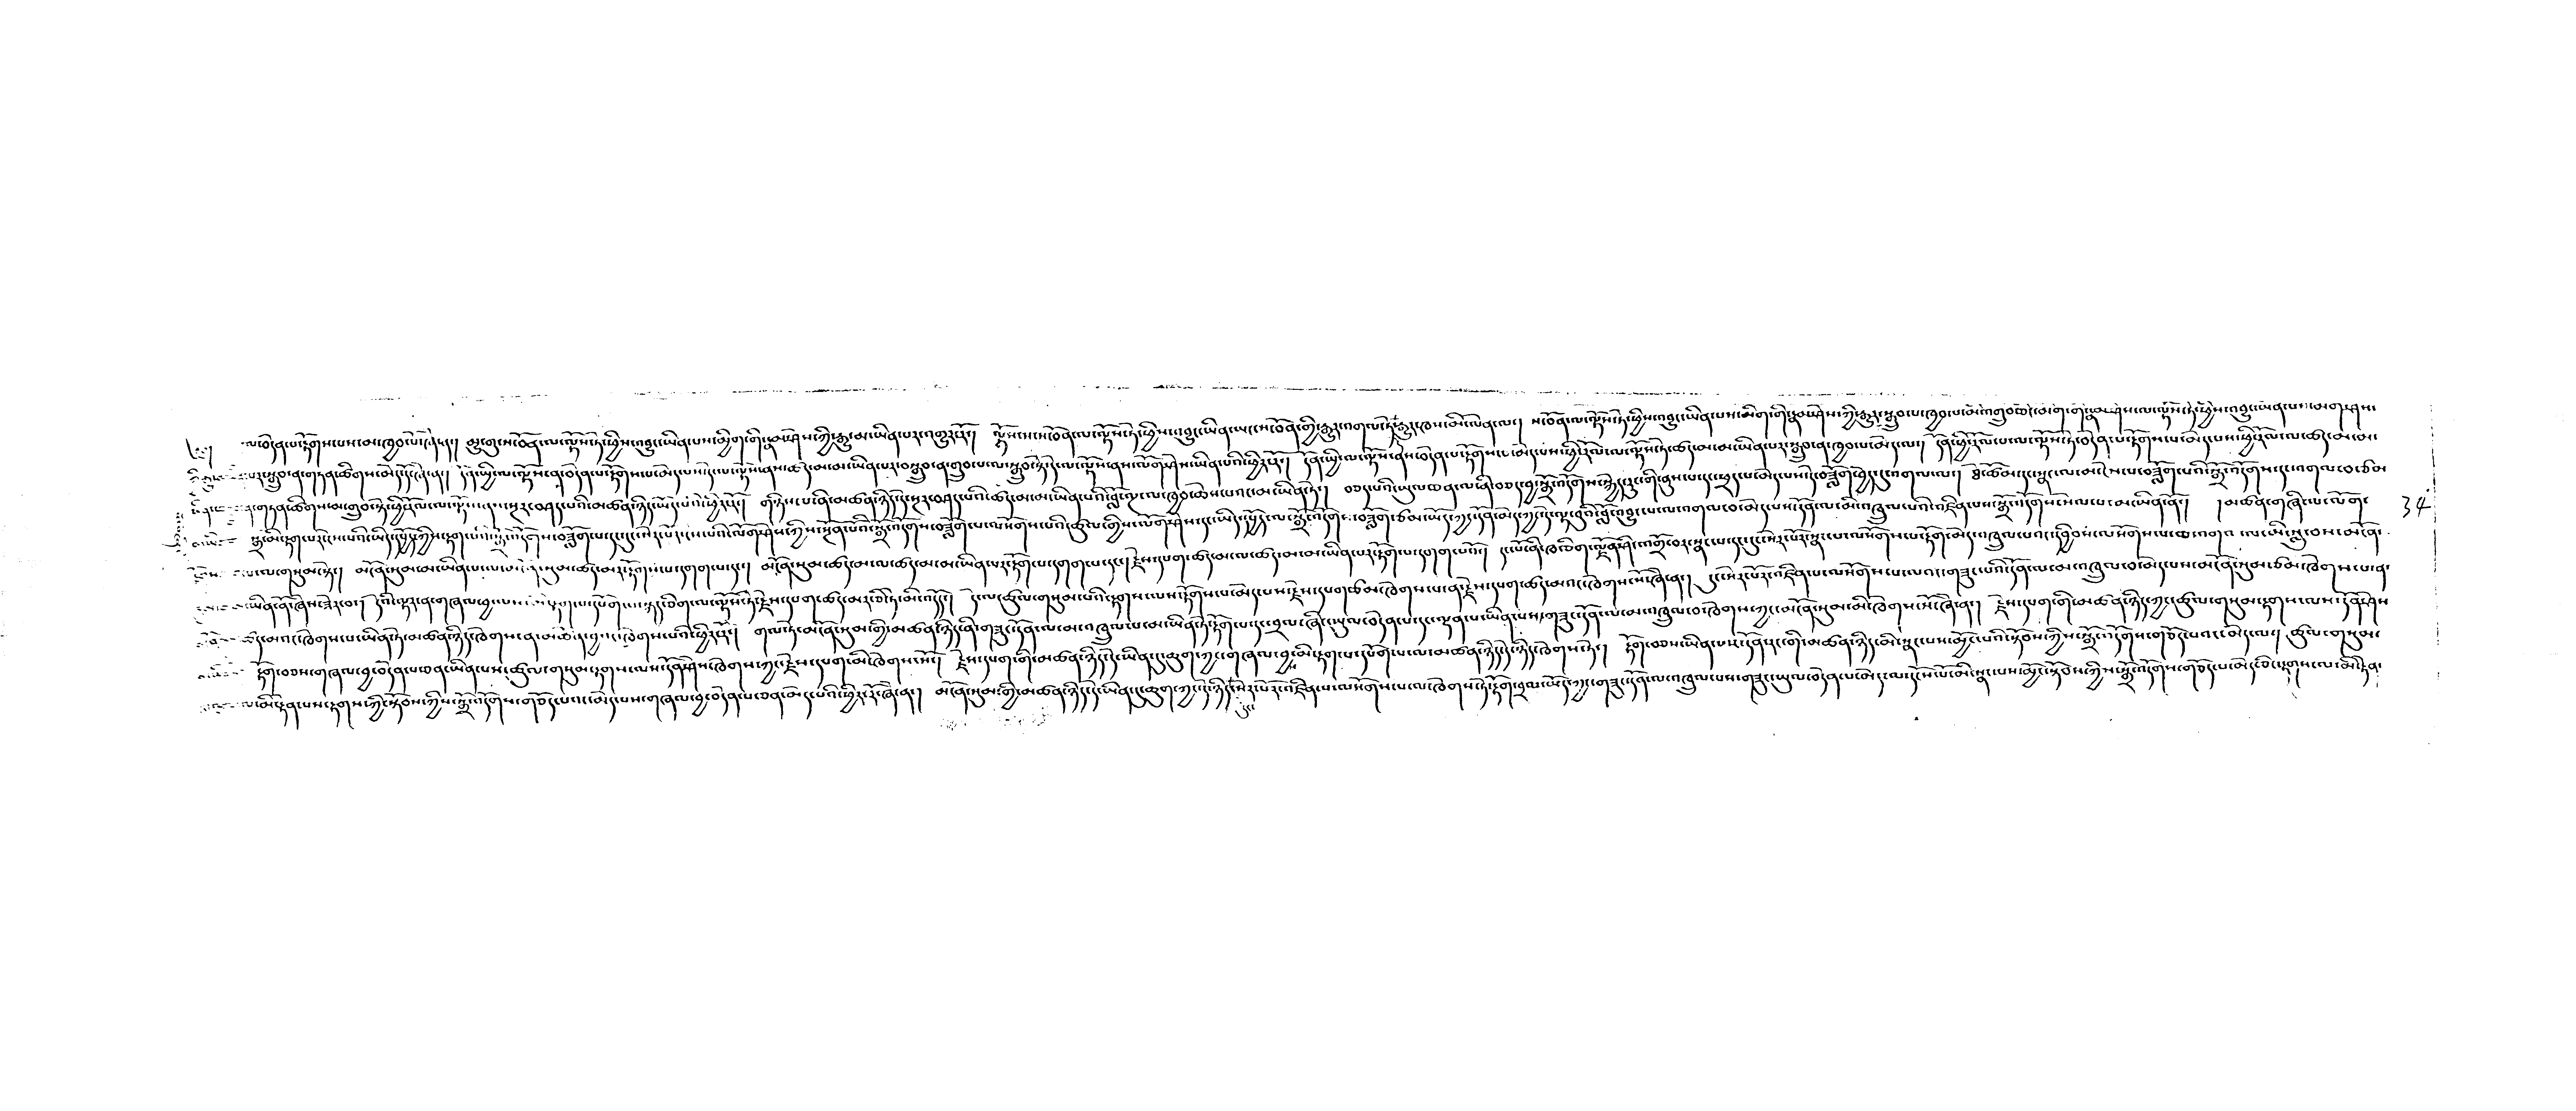༈། །ལ་བདེན་པ་རྟོགས་པས་མ་ཁྱབ་པོ་ཞེ་ན། མྱུ་གུ་ས་བོན་ལ་ལྟོས་ཏེ་ཕྱིས་འབྱུང་ཡིན་པས་མིག་གི་རྣམ་ཤེས་ཀྱི་རྒྱུ་མ་ཡིན་པར་འགྱུར་རོ། ལྟོས་ས་ས་བོན་ལ་ལྟོས་ཏེ་ཕྱིས་འབྱུང་ཡིན་ཡང་ས་བོན་གྱི་རྒྱུར་འགལ་ཏེ་རྒྱུར་ཧས་མི་ལེན་ལ། ས་བོན་ལ་ལྟོས་ཏེ་ཕྱིས་འབྱུང་ཡིན་པས་མིག་གི་རྣམ་ཤེས་ཀྱི་རྒྱུར་སྒྲུབ་པ་ཁྱབ་པ་མི་འགྲུབ་ཅིང་མིག་གི་རྣམ་ཤེས་ལ་ལྟོས་ཏེ་ཕྱིས་འབྱུང་ཡིན་པས་མིག་ཤེས་
ཀྱི་རྒྱུ་མ་ཡིན་པར་སྒྲུབ་ན་གཏན་ཚིགས་མེད་དོ་ཞེ་ན། དོན་སྤྱི་ལ་ལྟོས་ན་བདེན་པ་རྟོགས་པ་མེད་པས་དེ་ལ་ལྟོས་ནས་ཚད་མ་མ་ཡིན་པར་བསྒྲུབ་ན་གྲུབ་པ་ལ་སྒྲུབ་སྟེ་དེ་ལ་ལྟོས་ནས་ལོག་ཤེས་ཡིན་པའི་ཕྱིར་རོ། དོན་སྤྱི་ལ་ལྟོས་ནས་བདེན་པ་རྟོགས་པ་མེད་པས་ཕྱི་རོལ་ལ་ལྟོས་ཏེ་ཚད་མ་མ་ཡིན་པར་སྒྲུབ་ན་ཁྱབ་པ་མེད་ལ། དོན་ཕྱི་རོལ་པ་ལ་ལྟོས་ཏེ་བདེན་པ་རྟོགས་པ་མེད་པས་ཕྱི་རོལ་ལ་ཚད་མ་མ་
ཡིན་པར་སྒྲུབ་ན་གཏན་ཚིགས་མ་གྲུབ་སྟེ་ཕྱི་རོལ་ལ་ལྟོས་ནས་སྔར་བཤད་པའི་མཚན་ཉིད་ཡོད་པའི་ཕྱིར་རོ། གཉིས་པ་ནི་མཚན་ཉིད་དེ་སྔར་བཤད་པའི་ཚད་མ་མ་ཡིན་པའི་བློ་ལྔ་ལ་ཁྱབ་ཆེས་པའང་མ་ཡིན་ཏེ། བཅད་པའི་ཡུལ་ཅན་ལ་ནི་བཅད་བྱ་སྒྲོ་འདོགས་སྐྱེད་རུང་གི་ནུས་པ་དང་ཕྲད་པ་མེད་པས་དེ་བཟློག་བྱེད་དུ་འགལ་ལ། ཐེ་ཚོམ་དང་སྣང་ལ་མ་ངེས་པ་བཟློག་པའི་སྒྲོ་འདོགས་དང་འགལ་བ་ཙམ་
མ་ཡིན་སྒྲ་མི་རྟག་པར་ངེས་པའི་ཡིད་དཔྱོད་ཀྱིས་རྟག་པའི་སྒྲོ་འདོགས་བཟློག་པ་དང་དུང་སེར་པོ་ངས་པའི་ལོག་ཤེས་ཀྱིས་སྔོན་པོའི་སྒྲོ་འདོགས་བཟློག་པ་ལ་སོགས་པའི་ཚུལ་གྱིས་ལོག་ཤེས་དང་ཡིད་དཔྱོད་ལ་སྒྲོ་འདོགས་བཟློག་ཙམ་ཡོད་ཀྱང་དོན་མེད་ཀྱང་དེ་ལྟ་བུའི་བློ་འབྱུང་པ་ལ་འགལ་བ་མེད་པས་དོན་ལ་མི་འཁྲུལ་པའི་འཛིན་པས་སྒྲོ་འདོགས་སེལ་པ་མ་ཡིན་ནོ། །མཚན་གཞི་པ་ལོག་
རྟོགས་དགག་པ་ལ་གསུམ་སྟེ། མངོན་སུམ་མ་ཡིན་པ་ལ་མངོན་སུམ་ཚད་མར་རྟོགས་པ་དགག་པ་དང་། མངོན་སུམ་ཚད་མ་ལ་ཚད་མ་མ་ཡིན་པར་རྟོག་པ་དགག་པ་དང་། རྗེས་དཔག་ཚད་མ་ལ་ཚད་མ་མ་ཡིན་པར་རྟོག་པ་དགག་པའོ། དང་པོ་ནི་ཁ་ཅིག་ལྗོན་ཤིང་འགྲོ་བར་སྣང་པ་དང་དུང་སེར་པོར་སྣང་པ་ལ་སོགས་པ་རྟོག་མེད་འཁྲུལ་པའང་དབྱིབས་ལ་སོགས་པ་ལ་འགའ་ལ་ཡི་སླུ་བས་མངོན་
སུམ་ཚད་མ་ཡིན་ནོ་ཞེས་ཟེར་བ། དེའི་ལྟར་ན་གཞལ་བྱ་ལས་མི་རྟག་པ་དཔག་པ་སྐད་ཅིག་ལ་ལྟོས་ཏེ་རྗེས་དཔག་ཚད་མར་ཅི་ཏེ་མི་འདོད། དེ་ལ་ཚུལ་གསུམ་པའི་རྟགས་པས་རྟོགས་པ་མེད་པས་རྗེས་དཔག་ཙམ་ཁེགས་པ་ན་རྗེས་དཔག་ཚད་མའང་ཁེགས་སོ་ཞེ་ན། དུང་སེར་པོར་འཛིན་པ་ལ་སོགས་པ་ལའང་གཟུང་པའི་དོན་ལ་མ་འཁྲུལ་བ་མེད་པས་མངོན་སུམ་ཙམ་ཁེགས་པ་ན་
རྗེས་དཔག་ཚད་མའང་ཁེགས་པ་ཡིན་ཏེ་མཚན་ཉིད་ཁེགས་ན་མཚོན་བྱའང་ཁེགས་པའི་ཕྱིར་རོ། གལ་ཏེ་མངོན་སུམ་གྱི་མཚན་ཉིད་ནི་གཟུང་དོན་ལ་མ་འཁྲུལ་པ་མ་ཡིན་ཏེ་རྟོག་པ་དང་བྲལ་ཞིང་ཡུལ་བདེན་པ་དང་ལྡན་པ་ཡིན་པས་གཟུང་དོན་ལ་མ་འཁྲུལ་བ་ཁེགས་ཀྱང་མངོན་སུམ་མི་ཁེགས་སོ་ཞེ་ན། རྗེས་དཔག་གི་མཚན་ཉིད་ཀྱང་ཚུལ་གསུམ་རྟགས་ལས་དོན་ཤེས་
པ་ཡིན་ཏེ། རྟོག་བཅས་གཞལ་བྱ་བདེན་པ་ཅན་ཡིན་པས་ཚུལ་གསུམ་རྟགས་ལས་དོན་ཤེས་ཁེགས་ཀྱང་རྗེས་དཔག་མི་ཁེགས་སོ། རྗེས་དཔག་གི་མཚན་ཉིད་དེ་ཡིན་དུ་ཆུག་ཀྱང་གཞལ་བྱས་མི་རྟག་པ་དཔོག་པ་ལ་མཚན་ཉིད་དེ་ཉིད་ཁེགས་ཏེ། རྟོག་བཅས་ཡིན་པས་དོན་རང་གི་མཚན་ཉིད་མི་སྣང་པས་མྱོང་པའི་སྟོབས་ཀྱིས་སྒྲོ་འདོགས་གཅོད་པའང་མེད་ལ། ཚུལ་གསུམ་
དང་ལྡན་པ་ལ་མི་རྟེན་པས་རྟགས་ཀྱི་སྟོབས་ཀྱིས་སྒྲོ་འདོགས་གཅོད་པའང་མེད་པས་གཞལ་བྱ་བདེན་པ་ཅན་མེར་པའི་ཕྱིར་རོ་ཞེ་ན། མངོན་སུམ་གྱི་མཚན་ཉིད་དེ་ཡིན་དུ་ཆུག་ཀྱང་དེ་ཉིད་དུང་སེར་པོར་འཛིན་པ་ལ་སོགས་པ་ལ་ཁེགས་ཏེ་རྟོག་བྲལ་ཡོད་ཀྱང་གཟུང་དོན་ལ་འཁྲུལ་པས་གཟུང་ཡུལ་བདེན་པ་མེད་ལ་དངོས་པོ་མི་སྣང་པས་མྱོང་སྟོབས་ཀྱིས་སྒྲོ་འདོགས་གཅོད་པ་མེད་ཅིང་རྟགས་ལ་མི་རྟེན་